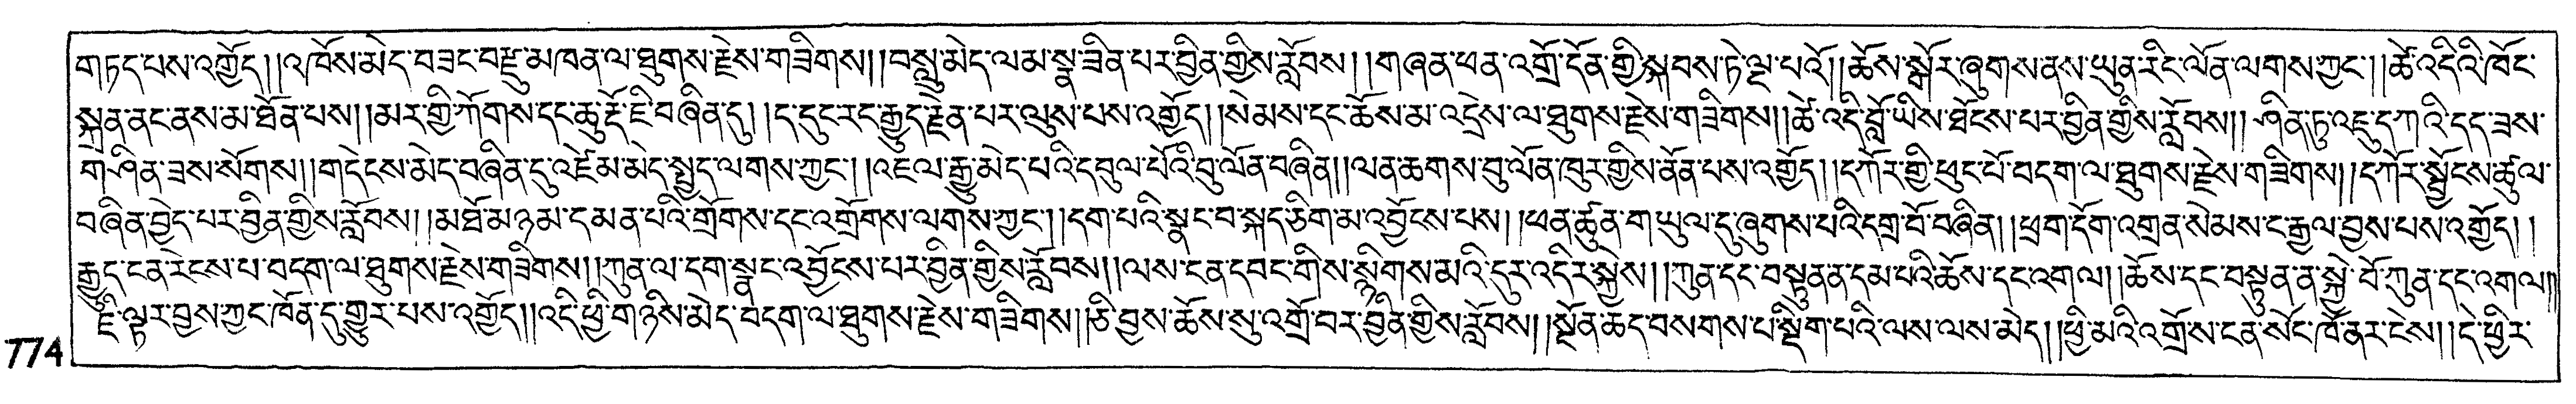གཏད་པས་འགྱོད། །འཁོས་མེད་བཟང་བརྫུ་མཁན་ལ་ཐུགས་རྗེས་གཟིགས། །བསླུ་མེད་ལམ་སྣ་ཟིན་པར་བྱིན་གྱིས་རློབས། །གཞན་ཕན་འགྲོ་དོན་གྱི་སྐབས་ཏེ་ལྔ་པའོ། །ཆོས་སྒོར་ཞུགས་ནས་ཡུན་རིང་ལོན་ལགས་ཀྱང་། །ཚེ་འདིའི་ཁོང་
སྐྲན་ནང་ནས་མ་ཐོན་པས། །མར་གྱི་ཀོགས་དང་ཆུ་རྡོ་ཇི་བཞིན་དུ། །ད་དུང་རང་རྒྱུད་རྗེན་པར་ལུས་པས་འགྱོད། །སེམས་དང་ཆོས་མ་འདྲེས་ལ་ཐུགས་རྗེས་གཟིགས། །ཚེ་འདི་བློ་ཡིས་ཐོངས་པར་བྱིན་གྱིས་རློབས། །ཤིན་ཏུ་འཇུ་དཀའི་དད་ཟས་
གཤིན་ཟས་སོགས། །གདེངས་མེད་བཞིན་དུ་འཛེམ་མེད་སྤྱད་ལགས་ཀྱང་། །འཇལ་རྒྱུ་མེད་པའི་དབུལ་པོའི་བུ་ལོན་བཞིན། །ལན་ཆགས་བུ་ལོན་ཁུར་གྱིས་ནོན་པས་འགྱོད། །དཀོར་གྱི་ཕུང་པོ་བདག་ལ་ཐུགས་རྗེས་གཟིགས། །དཀོར་སྦྱོངས་ཚུལ་
བཞིན་བྱེད་པར་བྱིན་གྱིས་རློབས། །མཐོ་མཉམ་དམན་པའི་གྲོགས་དང་འགྲོགས་ལགས་ཀྱང་། །དག་པའི་སྣང་བ་སྐད་ཅིག་མ་འབྱོངས་པས། །ཕན་ཚུན་གཡུལ་དུ་ཞུགས་པའི་དགྲ་བོ་བཞིན། །ཕྲག་དོག་འགྲན་སེམས་ང་རྒྱལ་བྱས་པས་འགྱོད། །
རྒྱུད་ངན་རེངས་པ་བདག་ལ་ཐུགས་རྗེས་གཟིགས། །ཀུན་ལ་དག་སྣང་འབྱོངས་པར་བྱིན་གྱིས་རློབས། །ལས་ངན་དབང་གིས་སྙིགས་མའི་དུར་འདིར་སྐྱེས། །ཀུན་དང་བསྟུན་ན་དམ་པའི་ཆོས་དང་འགལ། །ཆོས་དང་བསྟུན་ན་སྐྱེ་བོ་ཀུན་དང་འགལ། །
ཇི་ལྟར་བྱས་ཀྱང་ཁོན་དུ་གྱུར་པས་འགྱོད། །འདི་ཕྱི་གཉིས་མེད་བདག་ལ་ཐུགས་རྗེས་གཟིགས། །ཅི་བྱས་ཆོས་སུ་འགྲོ་བར་བྱིན་གྱིས་རློབས། །སྔོན་ཆད་བསགས་པ་སྡིག་པའི་ལས་ལས་མེད། །ཕྱི་མའི་འགྲོ་ས་ངན་སོང་ཁོ་ནར་ངེས། །དེ་ཕྱིར་